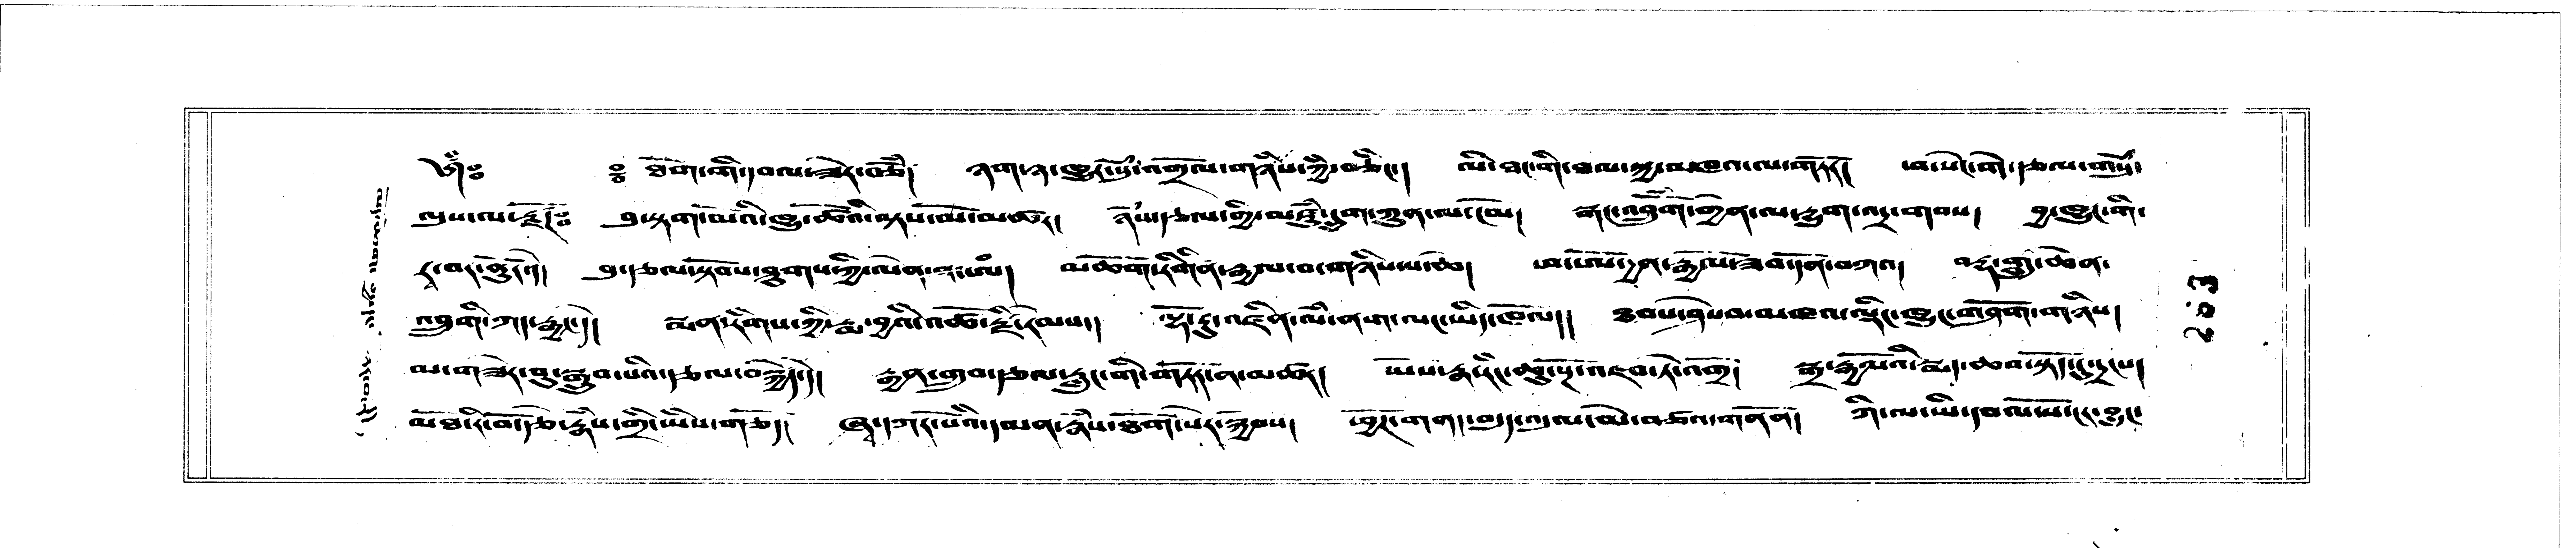ཐོག་གི་དབལ་ཟེར་བཅོམཿ ཉག་ཉ་ཁྱུང་སུམ་འགྲོལ་གཉིས་ཀྱིས་བཅིངཿ ལི་ཐང་གི་ཐལ་སྐྱ་མཁའ་ལ་གཏོརཿ ཕ་སེང་གེ་རྩལ་གསུམ་
ལུས་ལ་རྫོགསཿ བུ་སྟག་ལོའི་ཁྱུ་ཚོའི་རྩེད་མོ་མཚརཿ ཉམས་རྩལ་གྱི་འཛུམ་དྲུག་ཀུན་ལ་ངོམསཿ སྒང་འབྲུག་མོ་གྱེན་ལ་རྒྱུག་འདྲ་གབསཿ བྱ་ཁྱུང་གི་
རྭ་བར་ནོར་བུ་དེཿ བུ་རྩལ་སྟོབས་ཤུགས་ཀྱིས་ལེན་ན་ཨངཿ མཆོག་རིག་འཛིན་རྒྱལ་བ་གཉིས་པ་ཆེཿ ཨ་ཨོ་རྒྱན་རྒྱལ་པོ་ཟབ་དོན་བཀའཿ བརྡ་གླུ་ཆེན་
འབྲུག་གི་ཀད་རྒྱངས་དེཿ སྨན་རིགས་ཀྱི་རྨ་བྱའི་མཚོ་རྫི་རེམསཿ ལྷོ་རུ་འཛིན་ལམ་ནག་ལང་ཡིད་ཁོལཿ ཐབས་ཤེས་རབ་མཁའ་ལྡིང་ཁྱུང་གཤོག་གཉིསཿ 
མ་གཟེར་གུ་བསྒྲུབ་པའི་རྩལ་བསྐྱེད་དེཿ རྒྱན་གྲུབ་རྩལ་རླུང་གིས་གཏོར་ན་མཚརཿ ཡོས་རྣ་རིང་ཆུ་སྔོ་འཇབ་སྟེ་འགྲོཿ སྒྲ་རྒྱལ་པོའི་སྨད་ཆབ་སྟོད་དུ་དྲངསཿ 
མཐོ་རི་བོ་རྩེ་རྣམས་གྲི་ཡིས་གཅོདཿ ཞྭ་དཀར་པོའི་དམན་རྣམས་ཐོག་སེར་སྐྱོབསཿ ཕྱོགས་གནད་བདུད་འདུལ་མེ་བཙའ་གནོནཿ ཀི་ལ་ཡི་དབལ་སོ་ངར་བྱུང་